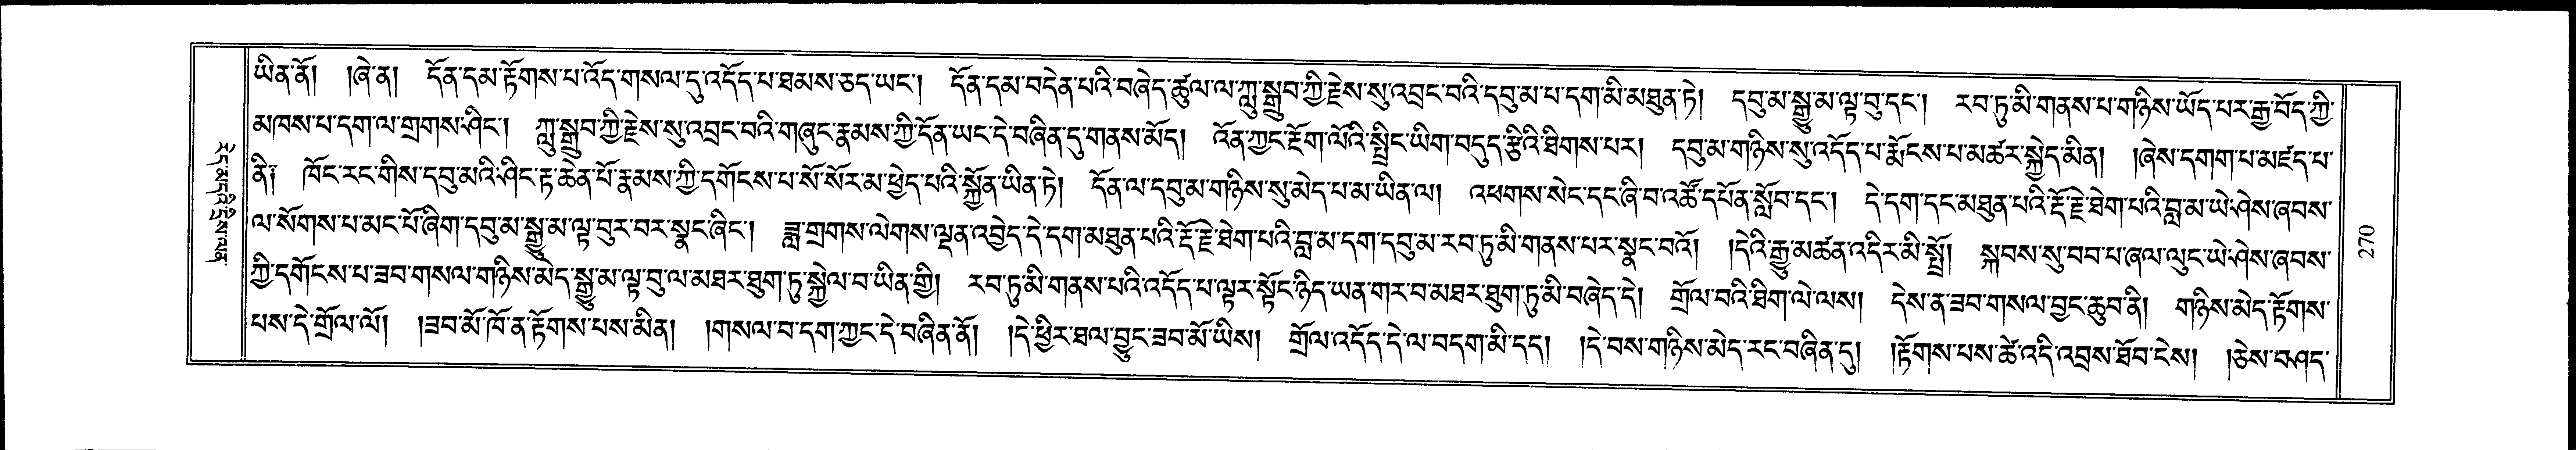ཡིན་ནོ། །ཞེ་ན། དོན་དམ་རྟོགས་པ་འོད་གསལ་དུ་འདོད་པ་ཐམས་ཅད་ཡང་། དོན་དམ་བདེན་པའི་བཞེད་ཚུལ་ལ་ཀླུ་སྒྲུབ་ཀྱི་རྗེས་སུ་འབྲང་བའི་དབུ་མ་པ་དག་མི་མཐུན་ཏེ། དབུ་མ་སྒྱུ་མ་ལྟ་བུ་དང་། རབ་ཏུ་མི་གནས་པ་གཉིས་ཡོད་པར་རྒྱ་བོད་ཀྱི་
མཁས་པ་དག་ལ་གྲགས་ཤིང་། ཀླུ་སྒྲུབ་ཀྱི་རྗེས་སུ་འབྲང་བའི་གཞུང་རྣམས་ཀྱི་དོན་ཡང་དེ་བཞིན་དུ་གནས་མོད། འོན་ཀྱང་རྔོག་ལོའི་སྤྲིང་ཡིག་བདུད་རྩིའི་ཐིགས་པར། དབུ་མ་གཉིས་སུ་འདོད་པ་རྨོངས་པ་མཚར་སྐྱེད་མིན། །ཞེས་དགག་པ་མཛད་པ་
ནི། ཁོང་རང་གིས་དབུ་མའི་ཤིང་རྟ་ཆེན་པོ་རྣམས་ཀྱི་དགོངས་པ་སོ་སོར་མ་ཕྱེད་པའི་སྐྱོན་ཡིན་ཏེ། དོན་ལ་དབུ་མ་གཉིས་སུ་མེད་པ་མ་ཡིན་ལ། འཕགས་སེང་དང་ཞི་བ་འཚོ་དཔོན་སློབ་དང་། དེ་དག་དང་མཐུན་པའི་རྡོ་རྗེ་ཐེག་པའི་བླ་མ་ཡེ་ཤེས་ཞབས་
ལ་སོགས་པ་མང་པོ་ཞིག་དབུ་མ་སྒྱུ་མ་ལྟ་བུར་བར་སྣང་ཞིང་། ཟླ་གྲགས་ལེགས་ལྡན་འབྱེད་དེ་དག་མཐུན་པའི་རྡོ་རྗེ་ཐེག་པའི་བླ་མ་དག་དབུ་མ་རབ་ཏུ་མི་གནས་པར་སྣང་བའོ། །དེའི་རྒྱུ་མཚན་འདིར་མི་སྤྲོ། སྐབས་སུ་བབ་པ་ཞལ་ལུང་ཡེ་ཤེས་ཞབས་
ཀྱི་དགོངས་པ་ཟབ་གསལ་གཉིས་མེད་སྒྱུ་མ་ལྟ་བུ་ལ་མཐར་ཐུག་ཏུ་སྐྱེལ་བ་ཡིན་གྱི། རབ་ཏུ་མི་གནས་པའི་འདོད་པ་ལྟར་སྟོང་ཉིད་ཡན་གར་བ་མཐར་ཐུག་ཏུ་མི་བཞེད་དེ། གྲོལ་བའི་ཐིག་ལེ་ལས། དེས་ན་ཟབ་གསལ་བྱང་ཆུབ་ནི། གཉིས་མེད་རྟོགས་
པས་དེ་གྲོལ་ལོ། །ཟབ་མོ་ཁོ་ན་རྟོགས་པས་མིན། །གསལ་བ་དག་ཀྱང་དེ་བཞིན་ནོ། །དེ་ཕྱིར་ཐལ་བྱུང་ཟབ་མོ་ཡིས། གྲོལ་འདོད་དེ་ལ་བདག་མི་དད། །དེ་བས་གཉིས་མེད་རང་བཞིན་དུ། །རྟོགས་པས་ཚེ་འདི་འབྲས་ཐོབ་ངེས། །ཅེས་བཤད་